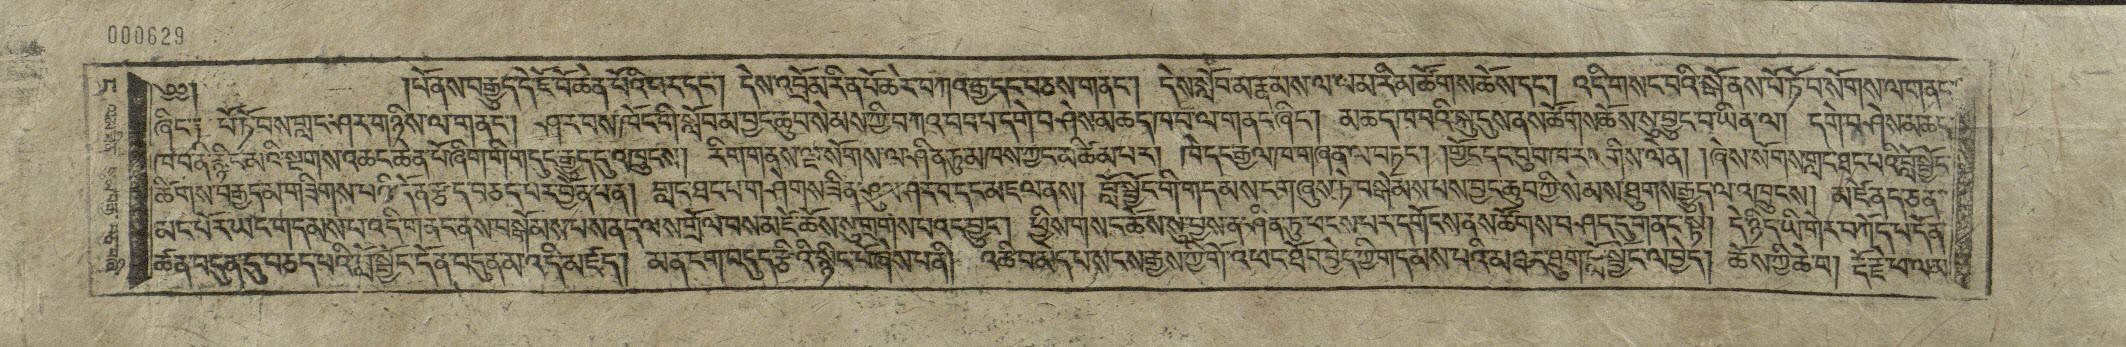༄༅། །པོ་ནས་བརྒྱུད་དེ་ཇོ་བོ་ཆེན་པོའི་བར་དང་། དེས་འབྲོམ་རིན་པོ་ཆེར་བཀའ་རྒྱ་དང་བཅས་གནང་། དེས་སློབ་མ་རྣམས་ལ་ལམ་རིམ་ཚོགས་ཆོས་དང་། འདི་གསང་བའི་སྒོ་ནས་པོ་ཏོ་བ་སོགས་ལ་གནང་
ཞིང༑ པོ་ཏོ་བས་གླང་ཤར་གཉིས་ལ་གནང་། ཤ་ར་བས་ཁོང་གི་སློབ་མ་བྱང་ཆུབ་སེམས་ཀྱི་བཀའ་བབ་པ་དགེ་བཤེས་མཆད་ཁ་བ་ལ་གནང་ཞིང་། མཆད་ཁ་བའི་སྐུ་དུས་ནས་ཚོགས་ཆོས་སུ་བྱུང་བ་ཡིན་ལ། དགེ་བཤེས་མཆད་
ཁ་བ་ནི་རྙིང་མའི་སྔགས་འཆང་ཆེན་པོ་ཞིག་གི་གདུང་རྒྱུད་དུ་འཁྲུངས། རིག་གནས་ལྔ་སོགས་ལ་ཤིན་ཏུ་མཁས་ཀྱང་མ་ཚིམ་པར། ཁེ་དང་རྒྱལ་ཁ་གཞན་ལ་བཏང་། །གྱོང་དང་བུབ་ཁ་རང་གིས་ལེན། །ཞེས་སོགས་གླང་ཐང་པའི་བློ་སྦྱོང་
ཚིགས་བརྒྱད་མ་གཟིགས་པའི་དོན་རྩད་བཅད་པར་བྱོན་པ་ན། གླང་ཐང་པ་གཤེགས་ཟིན་ཤུལ་ཤ་ར་བ་དང་མཇལ་ནས། བློ་སྦྱོང་གི་གདམས་ངག་ཞུས་ཏེ་བསྒོམས་པས་བྱང་ཆུབ་ཀྱི་སེམས་ཐུགས་རྒྱུད་ལ་འཁྲུངས། མཛེ་ནད་ཅན་
མང་པོར་ཡང་གདམས་པ་འདི་གནང་ནས་བསྒོམས་པས་ནད་ལས་གྲོལ་བས་མཛེ་ཆོས་སུ་གྲགས་པའང་བྱུང་། ཕྱིས་གསང་ཆོས་སུ་བྱས་ན་ཤིན་ཏུ་ཕངས་པར་དགོངས་ནས་ཚོགས་བཤད་དུ་གནང་སྟེ། དེ་ཉིད་ཡི་གེར་བཀོད་པ་དོན་
ཚན་བདུན་དུ་བཅད་པའི་བློ་སྦྱོང་དོན་བདུན་མ་འདི་མཛད། མན་ངག་བདུད་རྩིའི་སྙིང་པོ་ཞེས་པ་ནི། འཆི་བ་མེད་པ་སངས་རྒྱས་ཀྱི་གོ་འཕང་ཐོབ་བྱེད་ཀྱི་གདམས་པའི་མཐར་ཐུག་བློ་སྦྱོང་ལ་བྱེད། ཆོས་ཀྱི་ཆེ་བ། རྡོ་རྗེ་ཕ་ལམ་